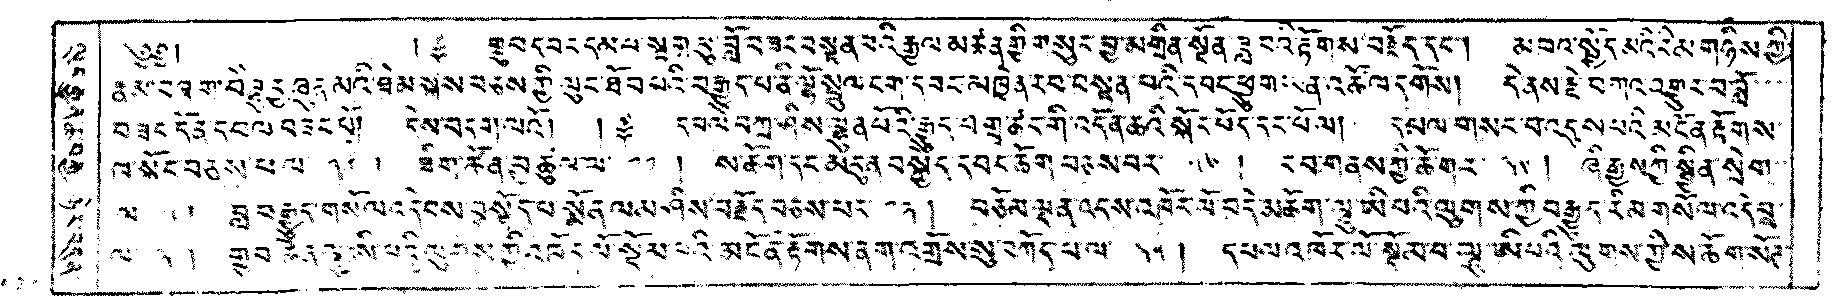༄༅། ། ༈ གྲུབ་དབང་དམ་པ་སྟག་ཕུ་བློ་བཟང་བསྟན་པའི་རྒྱལ་མཚན་གྱི་གསུང་བྱ་མགྲིན་སྔོན་ཟླ་བའི་རྟོགས་བརྗོད་དང་། མཁའ་སྤྱོད་མའི་རིམ་གཉིས་ཀྱི་
རྣམ་བཞག་བཻ་ཌཱུརྱ་ཞུན་མའི་ཐེམ་སྐས་བཅས་ཀྱི་ལུང་ཐོབ་པའི་བརྒྱུད་པ་ནི་ལྷོ་སྤྲུལ་ངག་དབང་མཁྱེན་རབ་བསྟན་པའི་དབང་ཕྱུག་ཡན་འཚོལ་དགོས། དེ་ནས་རྗེ་བཀའ་འགྱུར་བ་བློ་
བཟང་དོན་དཔལ་བཟང་པོ། དེས་བདག་ལའོ། ། ༈ དཔལ་བཀྲ་ཤིས་ལྷུན་པོའི་རྒྱུད་པ་གྲྭ་ཚང་གི་འདོན་ཆའི་སྐོར་པོད་དང་པོ་ལ། དཔལ་གསང་བ་འདུས་པའི་མངོན་རྟོགས་
ཁ་སྐོང་བཅས་པ་ལ ༢༩། ཐིག་ཚོན་བྱ་ཚུལ་ལ ༡༡། ས་ཆོག་དང་མདུན་བསྐྱེད་དབང་ཆོག་བཅས་པར ༥༦། རབ་གནས་ཀྱི་ཆོ་གར ༣༤། ཞི་རྒྱས་ཀྱི་སྦྱིན་སྲེག་
ལ ༥། བླ་བརྒྱུད་གསོལ་འདེབས་བསྟོད་པ་སྨོན་ལམ་ཤིས་བརྗོད་བཅས་པར ༡༢། བཅོམ་ལྡན་འདས་འཁོར་ལོ་བདེ་མཆོག་ལཱུ་ཨི་པའི་ལུགས་ཀྱི་བརྒྱུད་རིམ་གསོལ་འདེབས་
ལ ༣། གྲུབ་ཆེན་ལཱུ་ཨི་པའི་ལུགས་ཀྱི་འཁོར་ལོ་སྡོམ་པའི་མངོན་རྟོགས་ནག་འགྲོས་སུ་བཀོད་པ་ལ ༣༥། དཔལ་འཁོར་ལོ་སྡོམ་པ་ལཱུ་ཨི་པའི་ལུགས་ཀྱི་ས་ཆོག་སོགས་